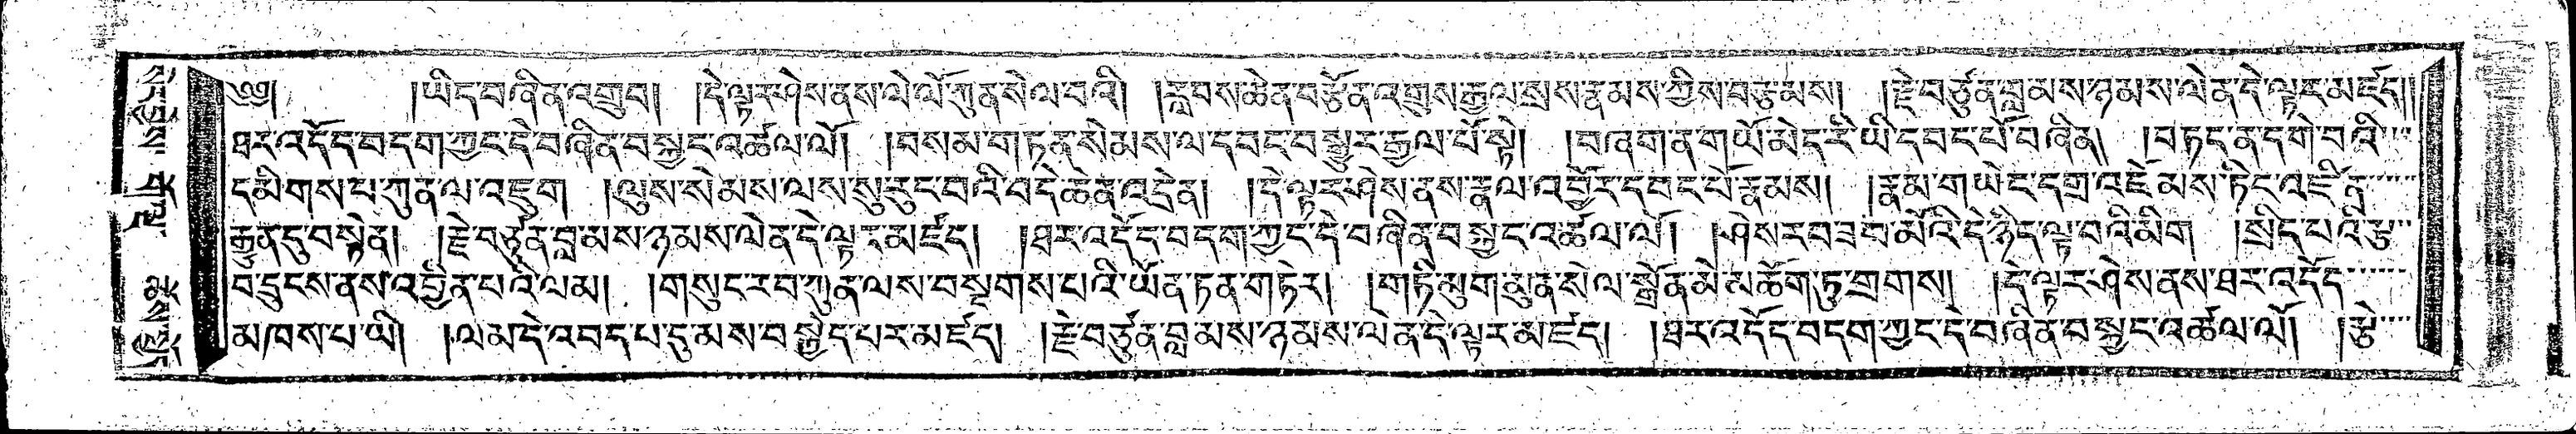༄༅། །ཡིད་བཞིན་འགྲུབ། །དེ་ལྟར་ཤེས་ནས་ལེ་ལོ་ཀུན་སེལ་བའི། །རླབས་ཆེན་བརྩོན་འགྲུས་རྒྱལ་སྲས་རྣམས་ཀྱིས་བརྩམས། །རྗེ་བཙུན་བླ་མས་ཉམས་ལེན་དེ་ལྟར་མཛད། །
ཐར་འདོད་བདག་ཀྱང་དེ་བཞིན་བསྐྱང་འཚལ་ལོ། །བསམ་གཏན་སེམས་ལ་དབང་བསྒྱུར་རྒྱལ་པོ་སྟེ། །བཞག་ན་གཡོ་མེད་རི་ཡི་དབང་པོ་བཞིན། །བཏང་ན་དགེ་བའི་
དམིགས་པ་ཀུན་ལ་འཇུག །ལུས་སེམས་ལས་སུ་རུང་བའི་བདེ་ཆེན་འདྲེན། །དེ་ལྟར་ཤེས་ནས་རྣལ་འབྱོར་དབང་པོ་རྣམས། །རྣམ་གཡེང་དགྲ་འཇོམས་ཏིང་འཛིན་
རྒྱུན་དུ་བསྟེན། །རྗེ་བཙུན་བླ་མས་ཉམས་ལེན་དེ་ལྟར་མཛད། །ཐར་འདོད་བདག་ཀྱང་དེ་བཞིན་བསྐྱང་འཚལ་ལོ། །ཤེས་རབ་ཟབ་མོའི་དེ་ཉིད་ལྟ་བའི་མིག །སྲིད་པའི་རྩ་
བ་དྲུངས་ནས་འབྱིན་པའི་ལམ། །གསུང་རབ་ཀུན་ལས་བསྔགས་པའི་ཡོན་ཏན་གཏེར། །གཏི་མུག་མུན་སེལ་སྒྲོན་མེ་མཆོག་ཏུ་གྲགས། །དེ་ལྟར་ཤེས་ནས་ཐར་འདོད་
མཁས་པ་ཡི། །ལམ་དེ་འབད་པ་དུ་མས་བསྐྱེད་པར་མཛད། །རྗེ་བཙུན་བླ་མས་ཉམས་ལེན་དེ་ལྟར་མཛད། །ཐར་འདོད་བདག་ཀྱང་དེ་བཞིན་བསྐྱང་འཚལ་ལོ། །རྩེ་